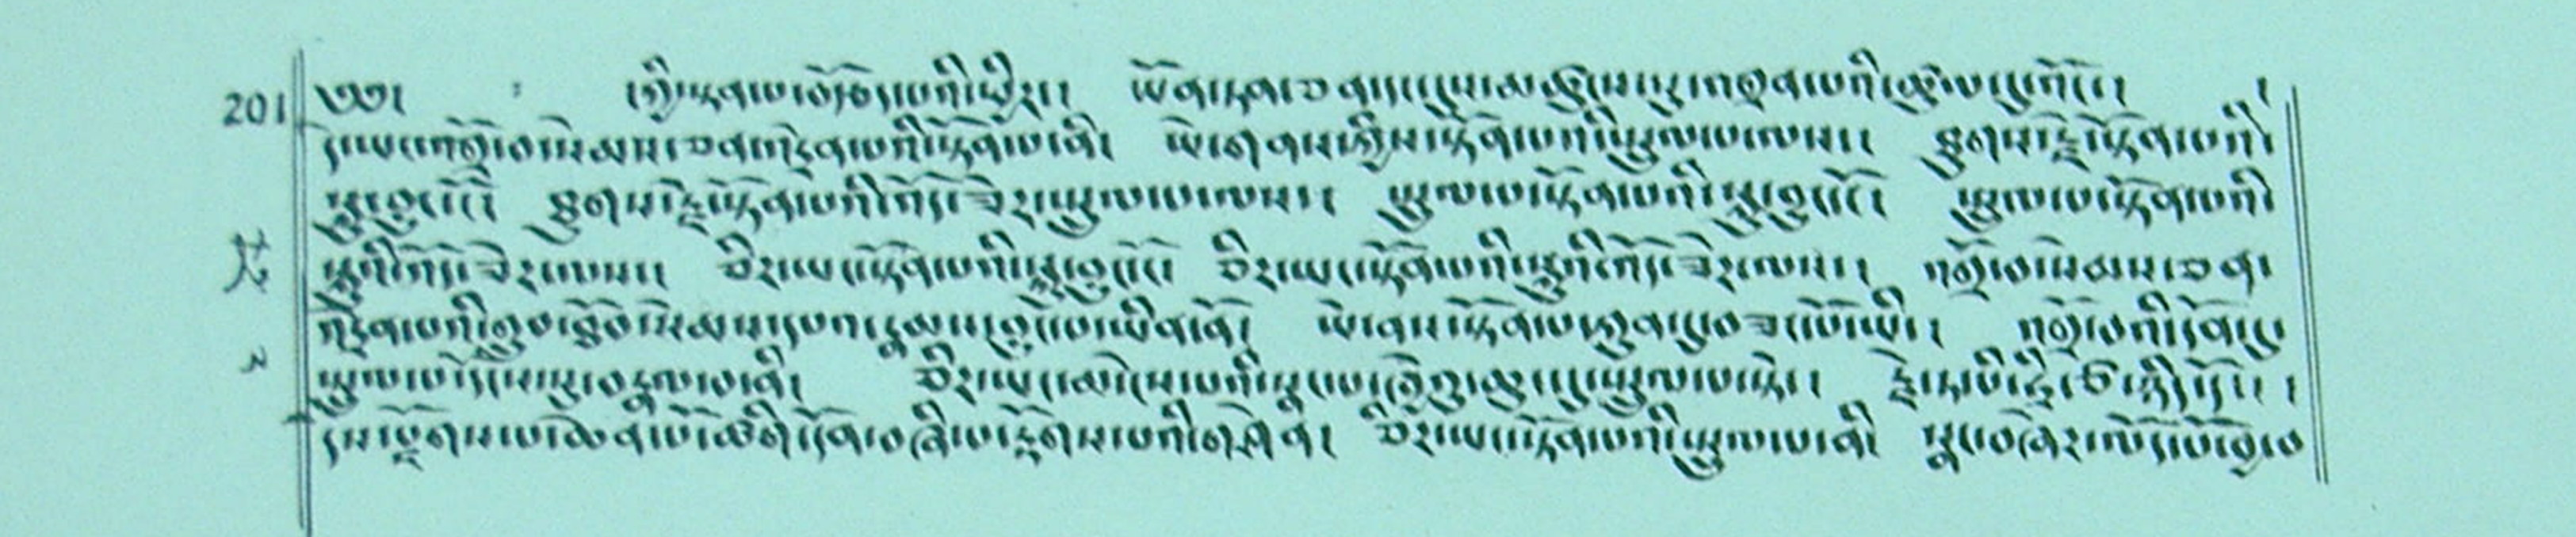༄༅། ། ཀྱི་བསྟན་པ་བརྩོད་པའི་ཕྱིར། ཡོན་ཏན་ཅན་དང་དུས་མཚུངས་སུ་འདྲེན་པའི་ཚུལ་དུ་འོང་། 
དེ་ཡང་འགྲོ་བ་སེམས་ཅན་འདྲེན་པའི་སྟོན་པ་ནི། ཡེ་གནས་ཀྱི་སྟོན་པའི་སྤྲུལ་པ་ལས། ཐུགས་རྗེ་སྟོན་པའི་
སྐུ་བྱུང་ངོ་། །ཐུགས་རྗེ་སྟོན་པའི་འོད་ཟེར་སྤྲུལ་པ་ལས། སྤྲུལ་པའི་སྟོན་པའི་སྐུ་བྱུང་ངོ་། །སྤྲུལ་པའི་སྟོན་པའི་
སྐུའི་འོད་ཟེར་ལས། ཅིར་ཡང་སྟོན་པའི་སྐུ་བྱུང་ངོ་། །ཅིར་ཡང་སྟོན་པའི་སྐུའི་འོད་ཟེར་ལས། འགྲོ་བ་སེམས་ཅན་
འདྲེན་པའི་གྲུབ་ཐོབ་སེམས་དཔའ་རྣམས་བྱུང་བ་ཡིན་ནོ། །ཡེ་ནས་སྟོན་པ་ཀུན་ཏུ་བཟང་པོ་ཡི། འགྲོ་བའི་དོན་དུ་
སྤྲུལ་པ་དངོས་སུ་བརྣལ་བ་ནི། ཅིར་ཡང་མ་ངེས་པའི་སྣང་བ་ཁྱེའུ་ཆུང་དུ་སྤྲུལ་པ་སྟེ། རྗེ་ཏ་པི་ཧྲི་ཙ་ཉིད་དོ། 
དེས་རྫོགས་པ་ཆེན་པོ་ཚིག་དོན་བཞི་པ་རྟོགས་པའི་གཤེན། ཅིར་ཡང་སྟོན་པའི་སྤྲུལ་པ་ནི། སྣང་བཞེར་ལོད་པོ་བྱ་བ་